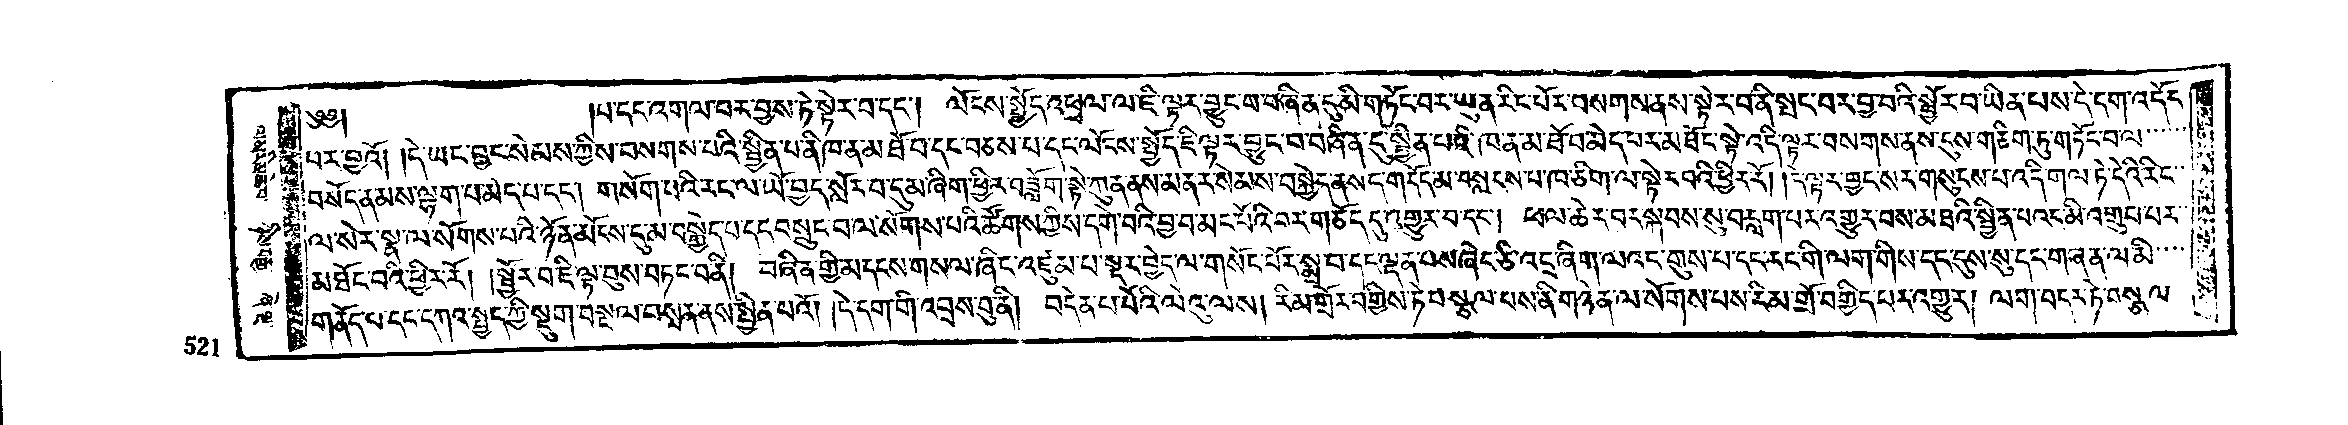༄༅། །པ་དང་འགལ་བར་བྱས་ཏེ་སྟེར་བ་དང་། ལོངས་སྤྱོད་འཕྲལ་ལ་ཇི་ལྟར་བྱུང་བ་བཞིན་དུ་མི་གཏོང་བར་ཡུན་རིང་པོར་བསགས་ནས་སྟེར་བ་ནི་སྤང་བར་བྱ་བའི་སྦྱོར་བ་ཡིན་པས་དེ་དག་འདོར་
པར་བྱའོ། །དེ་ཡང་བྱང་སེམས་ཀྱིས་བསགས་པའི་སྦྱིན་པ་ནི་ཁ་ན་མ་ཐོ་བ་དང་བཅས་པ་དང་ལོངས་སྤྱོད་ཇི་ལྟར་བྱུང་བ་བཞིན་དུ་སྦྱིན་པ་ནི་ཁ་ན་མ་ཐོ་བ་མེད་པར་མཐོང་སྟེ་འདི་ལྟར་བསགས་ནས་དུས་གཅིག་ཏུ་གཏོང་བ་ལ་
བསོད་ནམས་ལྷག་པ་མེད་པ་དང་། གསོག་པའི་རིང་ལ་ཡོ་བྱད་སློང་བ་དུ་མ་ཞིག་ཕྱིར་བཟློག་སྟེ་ཀུན་ནས་མནར་སེམས་བསྐྱེད་ནས་ད་གདོད་མ་བླངས་པ་ཁ་ཅིག་ལ་སྟེར་བའི་ཕྱིར་རོ། །དེ་ལྟར་བྱང་སར་གསུངས་པ་འདི་གལ་ཏེ་དེའི་རིང་
ལ་སེར་སྣ་ལ་སོགས་པའི་ཉོན་མོངས་དུ་མ་བསྐྱེད་པ་དང་བསྲུང་བ་ལ་སོགས་པའི་ཚོགས་ཀྱིས་དགེ་བའི་བྱ་བ་མང་པོའི་བར་གཅོད་དུ་འགྱུར་བ་དང་། ཕལ་ཆེར་བར་སྐབས་སུ་བརླག་པར་འགྱུར་བས་མཐའི་སྦྱིན་པའང་མི་འགྲུབ་པར་
མཐོང་བའི་ཕྱིར་རོ། །སྦྱོར་བ་ཇི་ལྟ་བུས་བཏང་བ་ནི། བཞིན་གྱི་མདངས་གསལ་ཞིང་འཛུམ་པ་སྔར་བྱེད་ལ་གསོང་པོར་སྨྲ་བ་དང་ལྡན་པས་ཞིང་ཅི་འདྲ་ཞིག་ལའང་གུས་པ་དང་རང་གི་ལག་གིས་དང་དུས་སུ་དང་གཞན་ལ་མི་
གནོད་པ་དང་དཀའ་སྤྱད་ཀྱི་སྡུག་བསྔལ་བསྲན་ནས་སྦྱིན་པའོ། །དེ་དག་གི་འབྲས་བུ་ནི། བདེན་པ་པོའི་ལེའུ་ལས། རིམ་གྲོར་བགྱིས་ཏེ་བསྩལ་བས་ནི་གཉེན་ལ་སོགས་པས་རིམ་གྲོ་བགྱིད་པར་འགྱུར། ལག་བདར་ཏེ་བསྩལ་